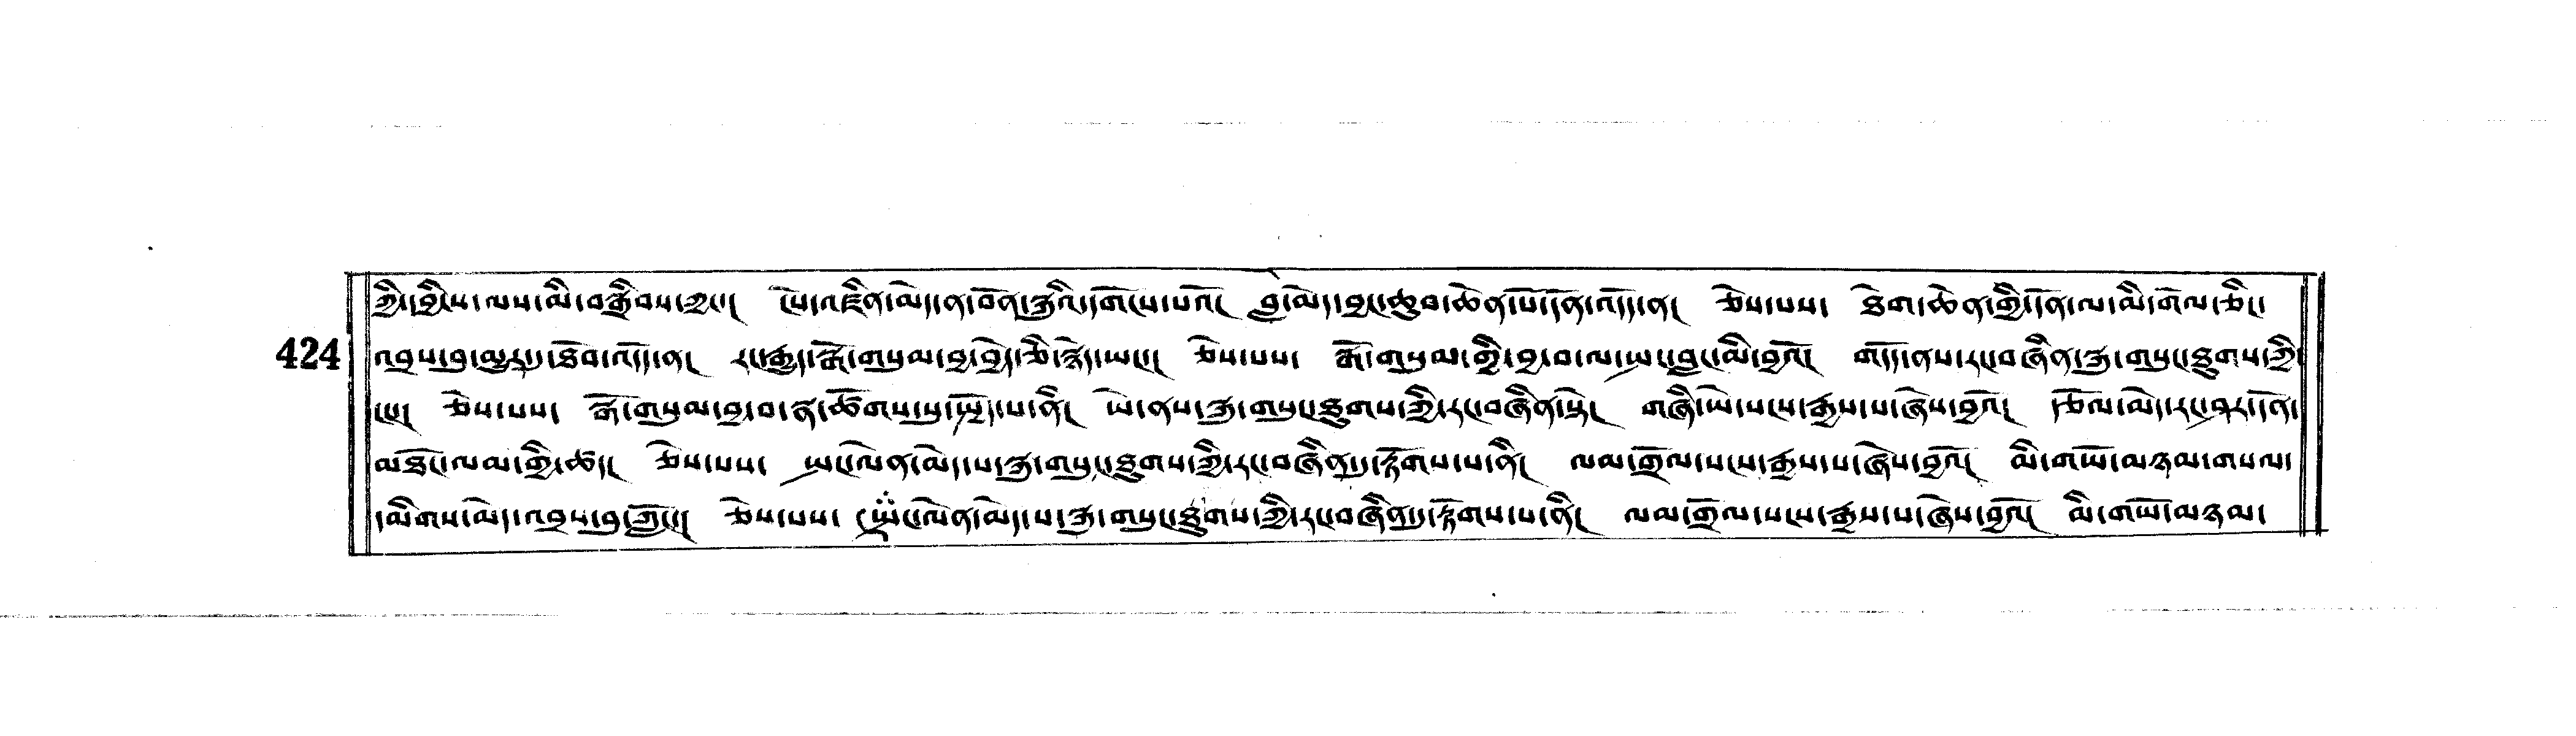ཀྱི་དབྱིངས་ལས་མི་བསྒྲིབས་ཀྱང་། ངོས་འཛིན་མེད་ན་བོན་སྐུའི་དགོངས་པའོ། བླ་མེད་བྱང་ཆུབ་ཆེན་པོ་དོན་འདོད་ན། ཅེས་པས། ཐེག་ཆེན་གྱི་དོན་ལ་མི་གོལ་ཅིང་
འབྲས་བུ་མྱུར་དུ་ཐོབ་འདོད་ན། རང་རྒྱུད་སྒོ་གསུམ་བྱ་བྱེད་ཅི་སྙེད་ཡང་། ཅེས་པས། སྒོ་གསུམ་གྱི་བྱ་བ་ལ་སྤང་བླང་མི་བྱའོ། གདོད་ནས་རང་བཞིན་སྐུ་གསུང་ཐུགས་ཀྱི་
ངང་། ཅེས་པས། སྒོ་གསུམ་གྱི་བྱ་བ་སྣ་ཚོགས་སུ་སྤྱོད་པ་ནི། ཡེ་ནས་སྐུ་གསུང་ཐུགས་ཀྱི་རང་བཞིན་ཏེ། གཞི་ཡེ་སངས་རྒྱས་པ་ཞེས་བྱའོ། རྩོལ་མེད་རང་ཤར་དོན་
མཐོང་ལམ་གྱི་ཚད། ཅེས་པས། སྤང་ལེན་མེད་པ་སྐུ་གསུང་ཐུགས་ཀྱི་རང་བཞིན་དུ་རྟོགས་པ་ནི། ལམ་གྲོལ་སངས་རྒྱས་པ་ཞེས་བྱའོ། མི་གཡོ་མཉམ་གསལ་
དམིགས་མེད་འབྲས་བུ་ཀློང་། ཅེས་པས།